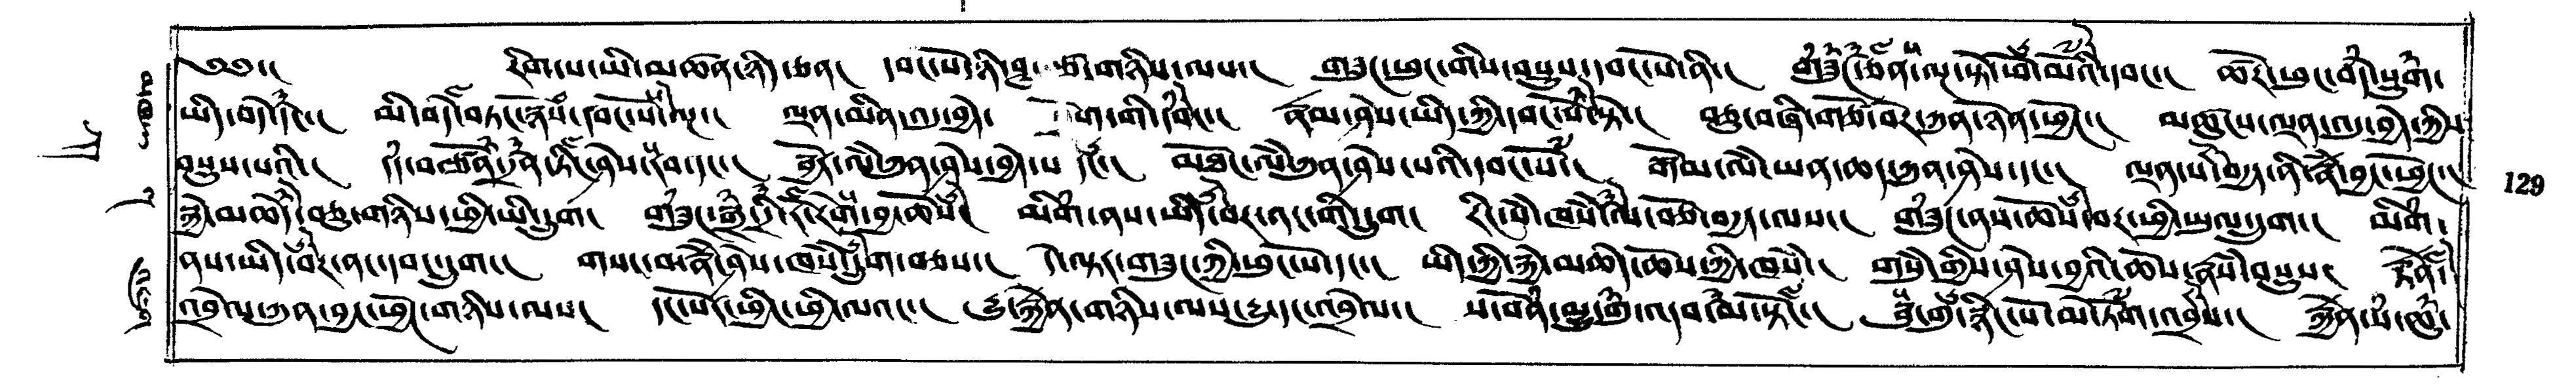རེིག་པ་ཡི་མཚན་ཉིད་ཅན། །དབང་པོ་ཉི་ཤུ་རྩ་གཉིས་ལས། །གཟུགས་ཕུང་གིས་བསྡུས་དབང་པོ་ནི། །གཟུགས་ཅན་ལྔ་སྟེ་ཕོ་མོའི་དབང་། །ཚོར་ཕུང་བདེ་སྡུག་
ཡིད་བདེ་དང་། །མི་བདེ་བཏང་སྙོམས་དབང་པོ་ལྔ། །ལྡན་མིན་འདུ་བྱེད་སྲོག་གི་དབང་། །རྣམ་ཤེས་ཡིད་ཀྱི་དབང་པོ་སྟེ། །བཅུ་བཞི་གཙོ་བོར་ཀུན་ཉོན་ཕྱོགས། །མཚུངས་ལྡན་འདུ་བྱེད་ཀྱིས་
བསྡུས་པའི། །དད་བཙོན་དྲན་ཏིང་ཤེས་རབ་དང་། །སྦྱོར་ལམ་ཀུན་ཤེས་བྱེད་པ་དང་། །མཐོང་ལམ་ཀུན་ཤེས་པའི་དབང་པོ། །སྒོམ་ལམ་ཡན་ཆད་ཀུན་ཤེས་དང་། །ལྡན་པ་བརྒྱད་ནི་རྣམ་བྱང་ཕྱོགས། །
སྐྱེ་མཆེད་བཅུ་གཉིས་ཕྱི་ཡི་དྲུག །གཟུགས་སྒྲ་དྲི་རོ་རེག་བྱ་ཆོས། །མིག་ནས་ཡིད་བར་ནང་གི་དྲུག །རིགས་སམ་ཁམས་ལ་བཅོ་བརྒྱད་ལས། །གཟུགས་ནས་ཆོས་བར་ཕྱི་ཡུལ་དྲུག །མིག་
ནས་ཡིད་བར་ནང་དབང་དྲུག །གསང་བ་རྣམ་ཤེས་ཁམས་དྲུག་བཅས། །དེ་ལྟར་གཟུགས་ཀྱི་ཕུང་པོ་དང་། །ཡིད་ཀྱི་སྐྱེ་མཆེད་ཆོས་ཀྱི་ཁམས། །གསུམ་གྱིས་ཤེས་བྱའི་ཆོས་རྣམས་བསྡུས། །རྟེན་
འབྲེལ་ཀུན་བྱང་ཕྱོགས་གཉིས་ལས། །དང་པོར་ཕྱི་ནང་ཕྱི་ལའང་། །རྒྱུ་རྐྱེན་གཉིས་ལས་རྒྱུ་དང་འབྲེལ། །ས་བོན་མྱུ་གུ་འདབ་མ་དང་། །སྦུ་གུ་སྙིང་པོ་མེ་ཏོག་འབྲས། །རྐྱེན་ས་ཆུ་